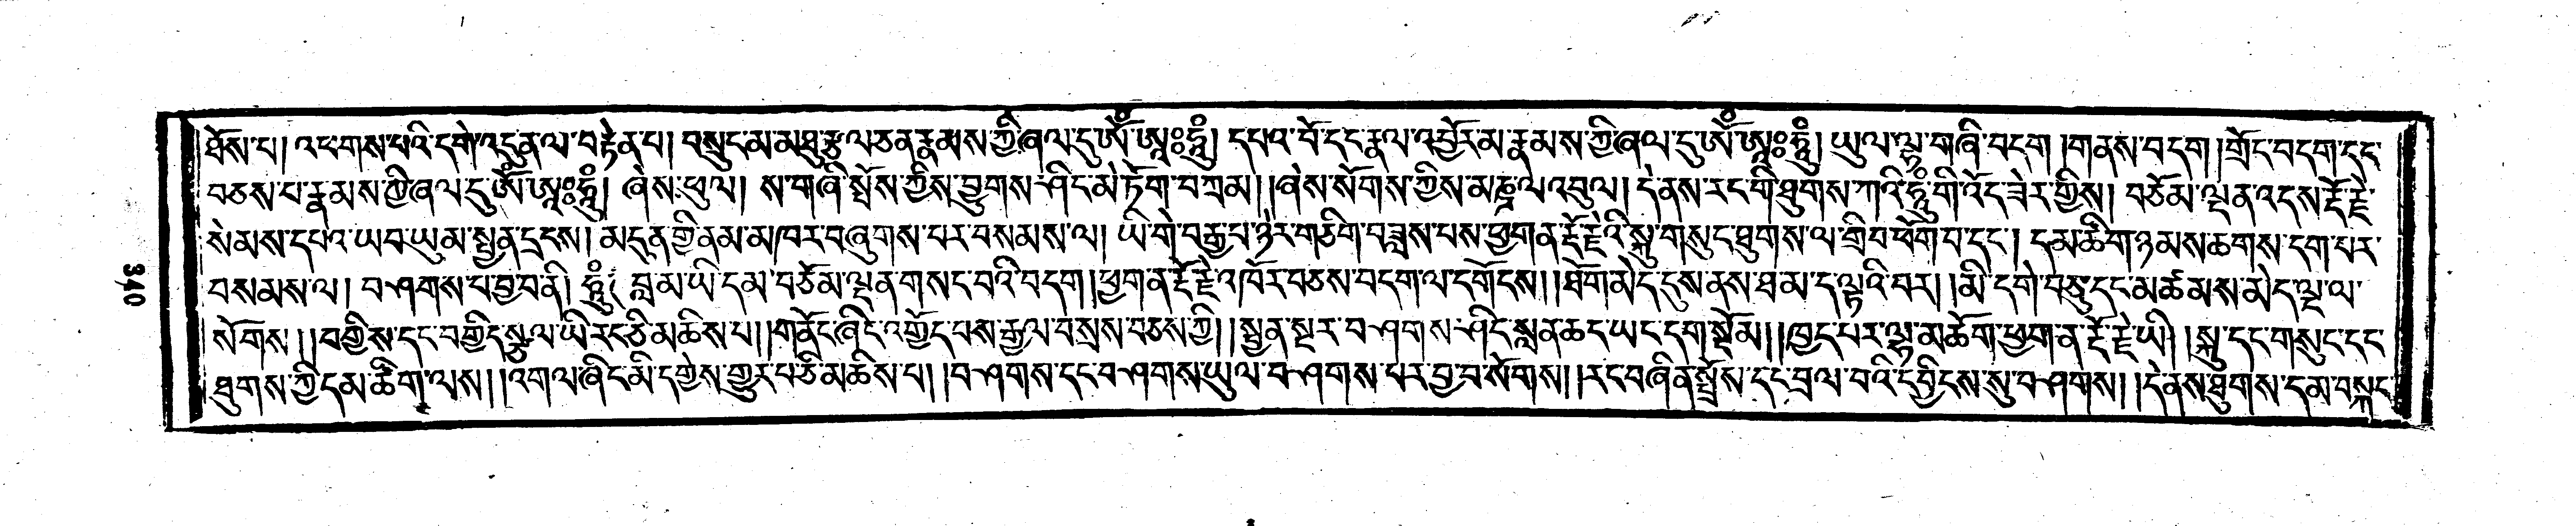ཐོས་པ། འཕགས་པའི་དགེ་འདུན་ལ་བརྟེན་པ། བསྲུང་མ་མཐུ་རྩལ་ཅན་རྣམས་ཀྱི་ཞལ་དུ་ཨོཾ་ཨཱཿ ཧཱུཾ། དཔའ་བོ་དང་རྣལ་འབྱོར་མ་རྣམས་ཀྱི་ཞལ་དུ་ཨོཾ་ཨཱཿ ཧཱུཾ། ཡུལ་ལྷ་གཞི་བདག །གནས་བདག །གྲོང་བདག་དང་
བཅས་པ་རྣམས་ཀྱི་ཞལ་དུ་ཨོཾ་ཨཱཿ ཧཱུཾ། ཞེས་ཕུལ། ས་གཞི་སྤོས་ཀྱིས་བྱུགས་ཤིང་མེ་ཏོག་བཀྲམ། །ཞེས་སོགས་ཀྱིས་མཎྜལ་འབུལ། དེ་ནས་རང་གི་ཐུགས་ཀའི་ཧཱུཾ་གི་འོད་ཟེར་གྱིས། བཅོམ་ལྡན་འདས་རྡོ་རྗེ་
སེམས་དཔའ་ཡབ་ཡུམ་སྤྱན་དྲངས། མདུན་གྱི་ནམ་མཁར་བཞུགས་པར་བསམས་ལ། ཡི་གེ་བརྒྱ་པ་ཉེར་གཅིག་བཟླས་པས་ཕྱག་ན་རྡོ་རྗེའི་སྐུ་གསུང་ཐུགས་ལ་གྲིབ་ཕོག་པ་དང་། དམ་ཚིག་ཉམས་ཆགས་དག་པར་
བསམས་ལ། བཤགས་པ་བྱ་བ་ནི། ཧཱུཾ། བླ་མ་ཡི་དམ་བཅོམ་ལྡན་གསང་བའི་བདག །ཕྱག་ན་རྡོ་རྗེ་འཁོར་བཅས་བདག་ལ་དགོངས། །ཐོག་མེད་དུས་ནས་ཐ་མ་ད་ལྟའི་བར། །མི་དགེ་བཅུ་དང་མཚམས་མེད་ལྔ་ལ་
སོགས། །བགྱིས་དང་བགྱིད་སྩལ་ཡི་རང་ཅི་མཆིས་པ། །གནོང་ཞིང་འགྱོད་པས་རྒྱལ་བ་སྲས་བཅས་ཀྱི། །སྤྱན་སྔར་བཤགས་ཤིང་སླན་ཆད་ཡང་དག་སྡོམ། །ཁྱད་པར་ལྷ་མཆོག་ཕྱག་ན་རྡོ་རྗེ་ཡི། །སྐུ་དང་གསུང་དང་
ཐུགས་ཀྱི་དམ་ཚིག་ལས། །འགལ་ཞིང་མི་དགྱེས་གྱུར་པ་ཅི་མཆིས་པ། །བཤགས་དང་བཤགས་ཡུལ་བཤགས་པར་བྱ་བ་སོགས། །རང་བཞིན་སྤྲོས་དང་བྲལ་བའི་དབྱིངས་སུ་བཤགས། །དེ་ནས་ཐུགས་དམ་བསྐང་